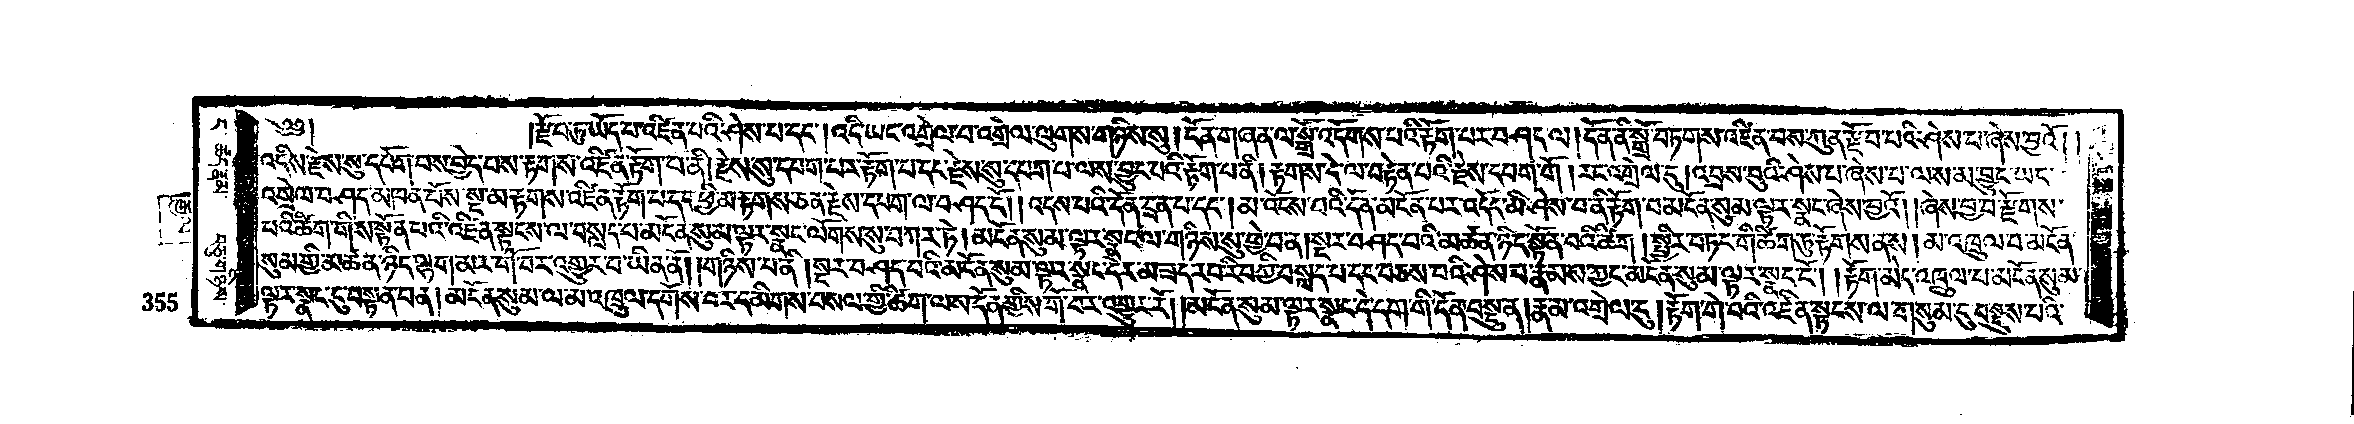༄༅། །རྫོབ་ཏུ་ཡོད་པ་འཛིན་པའི་ཤེས་པ་དང་། འདི་ཡང་འགྲེལ་བ་འགྲེལ་ལུགས་གཉིས་སུ། དོན་གཞན་ལ་སྒྲོ་འདོགས་པའི་རྟོག་པར་བཤད་ལ། དོན་ནི་སྒྲོ་བཏགས་འཛིན་བས་ཀུན་རྫོབ་པའི་ཤེས་པ་ཞེས་བྱའོ། །
འདིས་རྗེས་སུ་དཔོག་བས་བྱེད་པས་རྟགས་འཛིན་རྟོག་པ་ནི། རྗེས་སུ་དཔག་པར་རྟོག་པ་དང་རྗེས་སུ་དཔག་པ་ལས་བྱུང་བའི་རྟོག་པ་ནི། རྟགས་དེ་ལ་བརྟེན་པའི་རྗེས་དཔག་གོ །རང་འགྲེལ་དུ། འབྲས་བུའི་ཤེས་པ་ཞེས་པ་ལས་མ་བྱུང་ཡང་
འགྲེལ་བཤད་མཁན་པོས་སྔ་མ་རྟགས་འཛིན་རྟོག་པ་དང་ཕྱི་མ་རྟགས་ཅན་རྗེས་སུ་དཔག་པ་ལབ་ཤད་དོ། །འདས་པའི་དོན་དྲན་པ་དང་། མ་འོངས་པའི་དོན་མངོན་པར་འདོད་མི་ཤེས་པ་ནི་རྟོག་པ་མངོན་སུམ་ལྟར་སྣང་ཞེས་བྱའོ། །ཞེས་བྱ་བ་རྫོགས་
བའི་ཚིག་གིས་སྟོན་པའི་འཛིན་སྟངས་ལ་བསླད་པ་མངོན་སུམ་ལྟར་སྣང་ལོགས་སུ་བཀར་ཏེ། མངོན་སུམ་ལྟར་སྣང་ལ་གཉིས་སུ་ཕྱེ་བ་ན། སྔར་བཤད་པའི་མཚན་ཉིད་སྟོན་པའི་ཚིག །སྤྱིར་བཏང་གི་ཚིག་ཏུ་རྟགས་ནས། མ་འཁྲུལ་བ་མངོན་
སུམ་གྱི་མཚན་ཉིད་ལྟག་མར་གོ་བར་འགྱུར་བ་ཡིན་ནོ། །གཉིས་པ་ནི། སྔར་བཤད་པའི་མངོན་སུམ་ལྟར་སྣང་དེར་མ་ཟད་རབ་རིབ་ཀྱི་བསླད་པ་དང་བཅས་པའི་ཤེས་པ་རྣམས་ཀྱང་མངོན་སུམ་ལྟར་སྣང་ངོ། །རྟོག་མེད་འཁྲུལ་པ་མངོན་སུམ་
ལྟར་སྣང་དུ་བསྟན་པ་ན། མངོན་སུམ་ལ་མ་འཁྲུལ་དགོས་པར་དམིགས་པས་ལ་གྱི་ཚིག་ལས་དོན་གྱིས་གོ་བར་འགྱུར་རོ། །མངོན་སུམ་ལྟར་སྣང་དེ་དག་གི་དོན་བསྡུ་ན། རྣམ་འགྲེལ་དུ། རྟོག་གེ་བའི་འཛིན་སྟངས་ལ་གསུམ་དུ་བསྡུས་པའི་